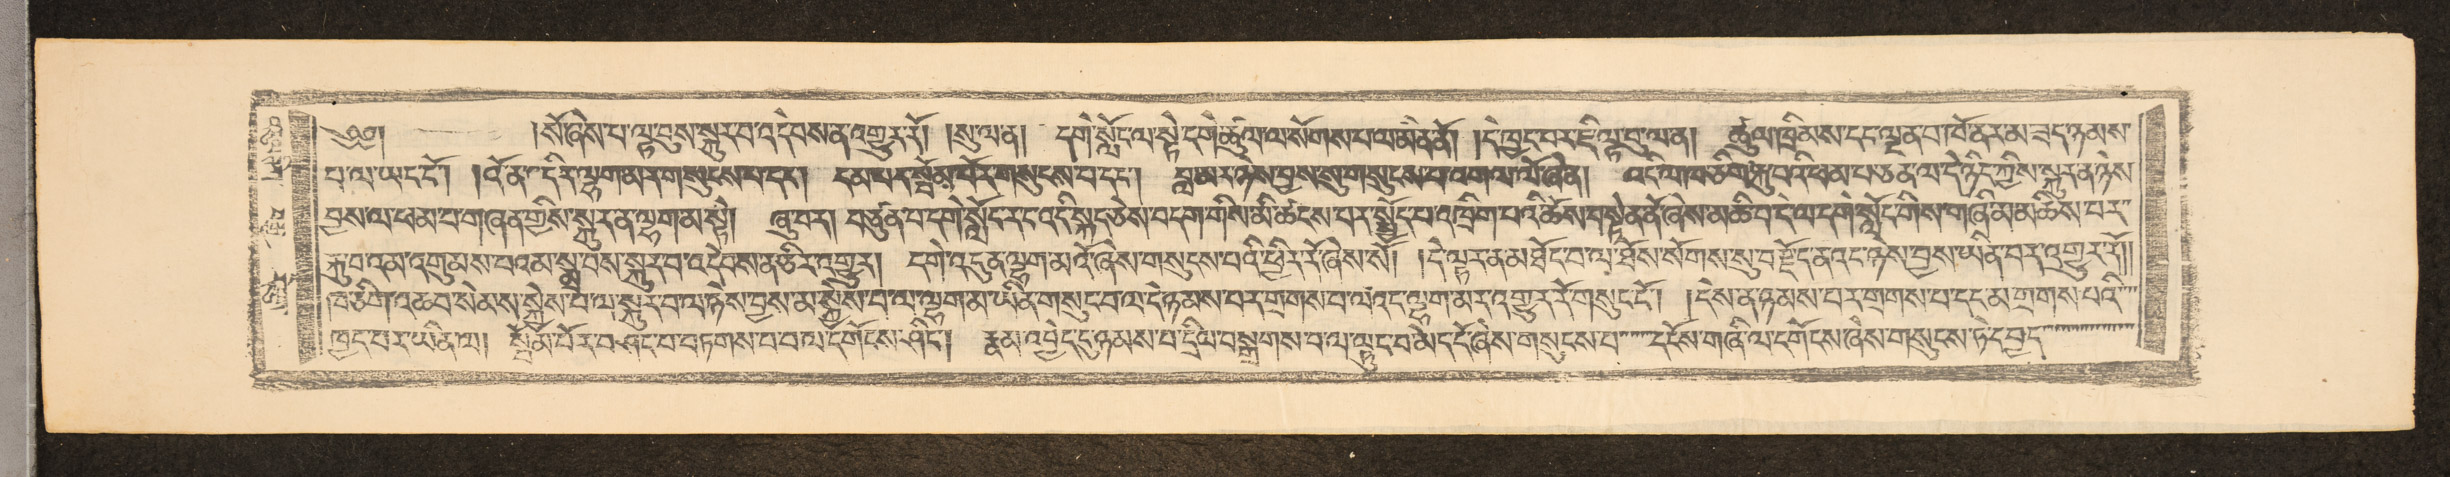༄༅། །སོ་ཞེས་པ་ལྟ་བུས་སྐུར་བ་འདེབས་ན་འགྱུར་རོ། །སུ་ལ་ན། དགེ་སློང་ལ་སྟེ་དགེ་ཚུལ་ལ་སོགས་པ་ལ་མིན་ནོ། །དེ་ཁྱད་པར་ཇི་ལྟ་བུ་ལ་ན། ཚུལ་ཁྲིམས་དང་ལྡན་པ་ཁོ་ནར་མ་ཟད་ཉམས་
པ་ལ་ཡང་ངོ། །འོ་ན་འདིར་ལྷག་མར་གསུངས་པ་དང་། དམ་པར་སྦོམ་པོར་གསུངས་པ་དང་། བླ་མར་ཉེས་བྱས་སུ་གསུངས་པ་འགལ་ལོ་ཞེ་ན། འདི་ལ་ཁ་ཅིག་རྐུ་བའི་ཕམ་པ་ཅན་ལ་དེ་ཉིད་ཀྱིས་སྐུར་ན་ཉེས་
བྱས་ལ་ཕམ་པ་གཞན་གྱིས་སྐུར་ན་ལྷག་མ་སྟེ། ཞུ་བར། བཙུན་པ་དགེ་སློང་རང་འདི་སྐད་ཅེས་བདག་གིས་མི་ཚངས་པར་སྤྱོད་པ་འཁྲིག་པའི་ཆོས་བསྟེན་ནོ་ཞེས་མཆི་བ་དེ་ལ་དགེ་སློང་གིས་གཞི་མ་མཆིས་པར་
རྐུ་བ་འམ་འགུམས་པའམ་སྨྲ་བས་སྐུར་བ་འདེབས་ན་ཅིར་འགྱུར། དགེ་འདུན་ལྷག་མའོ་ཞེས་གསུངས་པའི་ཕྱིར་རོ་ཞེས་སོ། །དེ་ལྟར་ན་མཐོང་བ་ལ་ཐོས་སོགས་སུ་བརྗོད་ནའང་ཉེས་བྱས་ཡིན་པར་འགྱུར་རོ།།
ཁ་ཅིག་འཆབ་སེམས་སྐྱེས་པ་ལ་སྐུར་པ་ལ་ཉེས་བྱས་མ་སྐྱེས་པ་ལ་ལྷག་མ་ཡིན་གསུང་བ་ལ་དེ་ཉམས་པར་གྲགས་པ་ལའང་ལྷག་མར་འགྱུར་རོ་གསུང་ངོ། །དེས་ན་ཉམས་པར་གྲགས་པ་དང་མ་གྲགས་པའི་
ཁྱད་པར་ཡིན་ལ། སྤོམ་པོར་བཤད་པ་བཏགས་པ་བ་ལ་དགོངས་ཤིང་། རྣམ་འབྱེད་དུ་ཉམས་པ་དྲིལ་བསྒྲགས་པ་ལ་ལྟུང་བ་མེད་དོ་ཞེས་གསུངས་པ་དངོས་གཞི་ལ་དགོངས་ཞེས་གསུངས་ཏེ་དཔྱད་